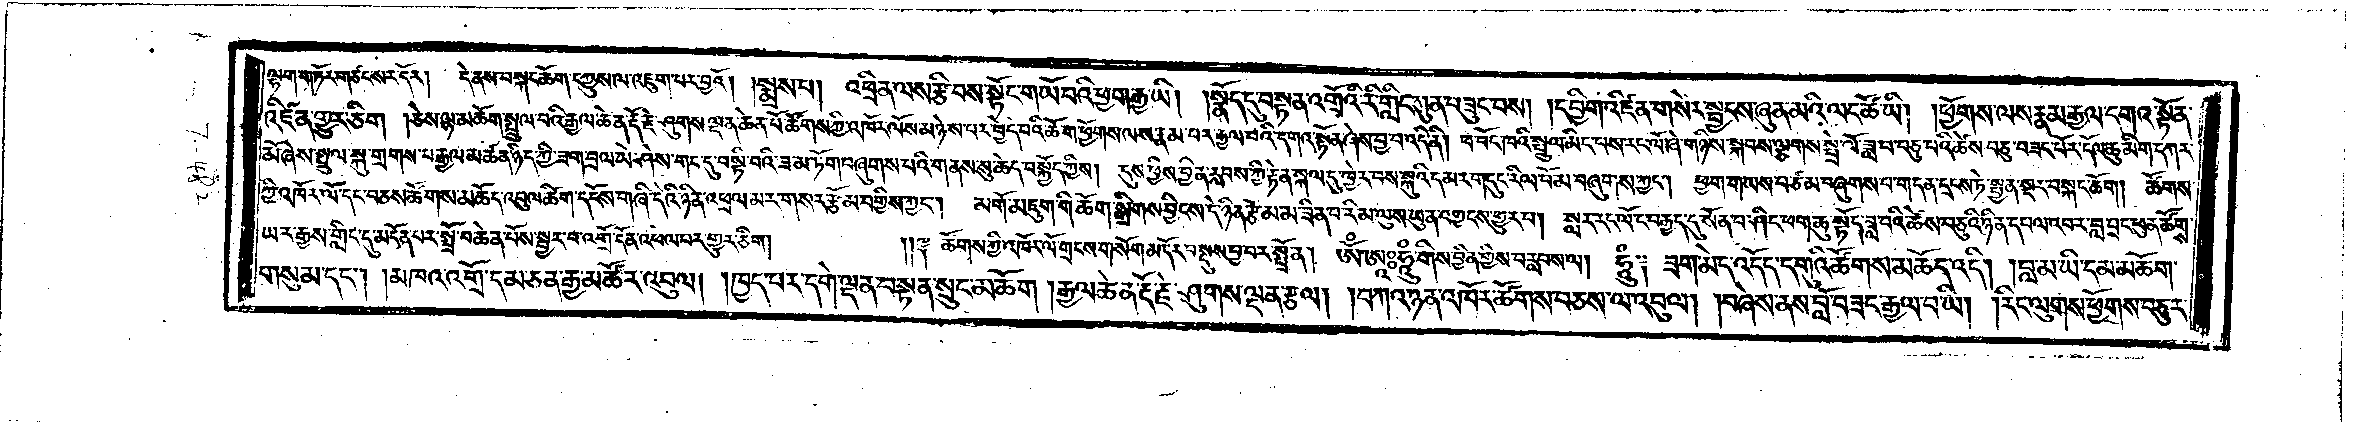ལྟག་གཏོར་གཙངས་ར་དོར། དེ་ནས་བསྐང་ཆོག་དཀྱུས་ལ་འཇུག་པར་བྱའོ། །སྨྲས་པ། འཕྲིན་ལས་རྩིབས་སྟོང་གཡོ་བའི་ཕྱག་རྒྱ་ཡི། །སྣོད་དུ་བསྟན་འགྲོའི་རི་གླིང་ཀུན་བཟུང་བས། །དབྱིག་འཛིན་གསེར་སྦྱངས་ཞུན་མའི་ལང་ཚོ་ཡི། །ཕྱོགས་ལས་རྣམ་རྒྱལ་དགའ་སྟོན་
འཛིན་གྱུར་ཅིག །ཅེས་ལྷ་མཆོག་སྤྲུལ་པའི་རྒྱལ་ཆེན་རྡོ་རྗེ་ཤུགས་ལྡན་ཆེན་པོ་ཚོགས་ཀྱི་འཁོར་ལོས་མཉེས་པར་བྱེད་པའི་ཆོ་ག་ཕྱོགས་ལས་རྣམ་པར་རྒྱལ་བའི་དགའ་སྟོན་ཞེས་བྱ་བ་འདི་ནི། ཕ་བོང་ཁའི་སྤྲུལ་མིང་པས་རང་ལོ་ཞེ་གཉིས་སྐབས་ལྕགས་སྤྲེ་ལོ་ཟླ་བ་བཅུ་པའི་ཚེས་བཅུ་བཟང་པོར་དོལ་ཆུ་མིག་དཀར་
མོ་ཞེས་སྤྲུལ་སྐུ་གྲགས་པ་རྒྱལ་མཚན་ཉིད་ཀྱི་ཟག་བྲལ་མེ་ཤེས་གང་དུ་བསྟི་བའི་ཟབ་ཏོག་བཞུགས་པའི་གནས་སུ་ཆེད་བསྐྱོད་ཀྱིས། དུས་ཕྱིས་བྱིན་རླབས་ཀྱི་རྟེན་སྐལ་དུ་ཁྱེར་བས་སྐུའི་དམར་གདུང་རིལ་བོ་མ་བཞུགས་ཀྱང་། ཕྱག་གཡས་པ་ཙམ་བཞུགས་པ་གདན་དྲངས་ཏེ་སྤྱན་སྔར་བསྐང་ཆོག། ཚོགས་
ཀྱི་འཁོར་ལོ་དང་བཅས་ཚོགས་མཆོད་འབུལ་ཚིག་དངོས་གཞི་དེའི་ཉིན་འཕྲལ་མར་གསར་རྩོམ་བགྱིས་ཀྱང་། མགོ་མཇུག་གི་ཆོག་སྒྲིགས་བྱིངས་དེ་ཉིན་རྩོམ་མ་ཟིན་བ་རིམ་ལུས་ཡུན་འགྱངས་གྱུར་པ། སླར་རང་ལོང་བརྒྱད་དུ་སོན་བ་ཤིང་ཕག་ཆུ་སྟོད་ཟླ་བའི་ཚེས་བཅུའི་ཉིན་དཔལ་འབར་བློ་བྲང་ཕུན་ཚོགས་
ཡར་རྒྱས་གླིང་དུ་མངོན་པར་སྤྲོ་བ་ཆེན་པོས་སྦྱར་བ་འགྲོ་དོན་འཕེལ་བར་གྱུར་ཅིག། །།༈ ཚོགས་ཀྱི་འཁོར་ལོ་གྲངས་གསོག་མདོར་བསྡུས་བྱ་བར་སྤྲོ་ན། ཨོཾ་ཨཱཿཧཱུཾ་གིས་བྱིན་གྱིས་བརླབས་ལ། ཧཱུཾ༑ ཟག་མེད་འདོད་དགུའི་ཚོགས་མཆོད་འདི། །བླ་མ་ཡི་དམ་མཆོག་
གསུམ་དང་། །མཁའ་འགྲོ་དམ་ཅན་རྒྱ་མཚོར་འབུལ། །ཁྱད་པར་དགེ་ལྡན་བསྟན་སྲུང་མཆོག །རྒྱལ་ཆེན་རྡོ་རྗེ་ཤུགས་ལྡན་རྩལ། །བཀའ་ཉན་འཁོར་ཚོགས་བཅས་ལ་འབུལ། །བཞེས་ནས་བློ་བཟང་རྒྱལ་བ་ཡི། །རིང་ལུགས་ཕྱོགས་བཅུར་